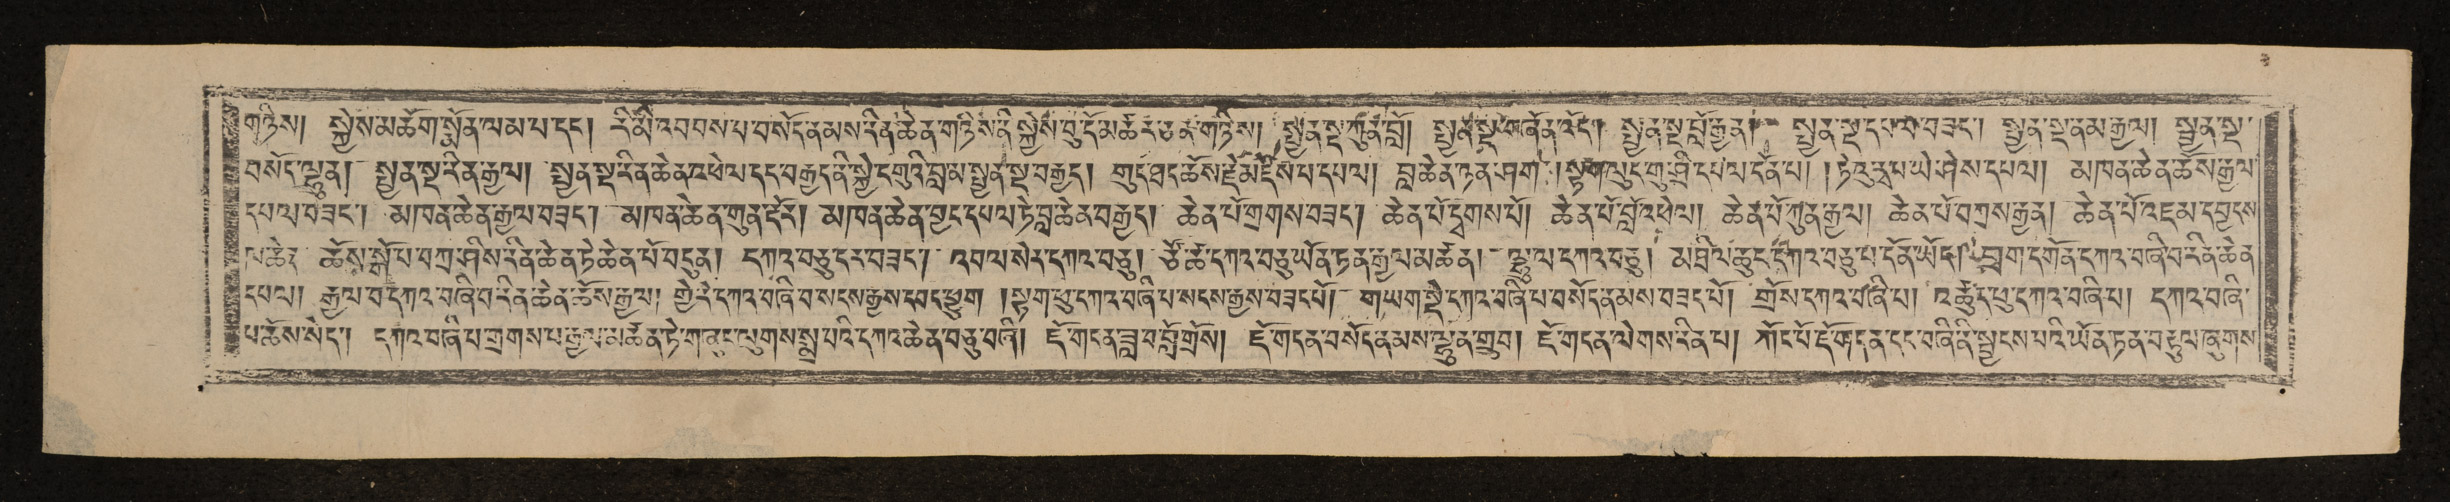གཉིས། སྐྱེས་མཆོག་སྨོན་ལམ་པ་དང་། རི་མི་འབབས་པ་བསོད་ནམས་རིན་ཆེན་གཉིས་ནི་སྐྱེས་བུ་ངོ་མཚར་ཅན་གཉིས། སྤྱན་སྔ་ཀུན་བློ། སྤྱན་སྔ་གཞོན་འོད། སྤྱན་སྔ་བློ་རྒྱན། སྤྱན་སྔ་དཔལ་བཟང་། སྤྱན་སྔ་ནམ་རྒྱལ། སྤྱན་སྔ་
བསོད་ལྷུན། སྤྱན་སྔ་རིན་རྒྱལ། སྤྱན་སྔ་རིན་ཆེན་འཕེལ་དང་བརྒྱད་ནི་སྐྱེ་དགུའི་བླ་མ་སྤྱན་སྔ་བརྒྱད། གུང་ཐང་ཆོས་རྗེ་མཛེས་པ་དཔལ། བླ་ཆེན་ཉན་ཤག །སྟག་ལུང་གུ་ཤྲི་དཔལ་དོན་པ། ཏེའུ་རྭ་པ་ཡེ་ཤེས་དཔལ། མཁན་ཆེན་ཆོས་རྒྱལ་
དཔལ་བཟང་། མཁན་ཆེན་རྒྱལ་བཟང་། མཁན་ཆེན་ཀུན་རྡོར། མཁན་ཆེན་བྱང་དཔལ་ཏེ་བླ་ཆེན་བརྒྱད། ཆེན་པོ་གྲགས་བཟང་། ཆེན་པོ་དྭགས་པོ། ཆེན་པོ་བློ་འཕེལ། ཆེན་པོ་ཀུན་རྒྱལ། ཆེན་པོ་བཀྲས་རྒྱན། ཆེན་པོ་འཇམ་དབྱངས་
ཁ་ཆེ༑ ཆས་སྒོ་པ་བཀྲ་ཤིས་རིན་ཆེན་ཏེ་ཆེན་པོ་བདུན། དཀའ་བཅུ་དར་བཟང་། འབལ་སེར་དཀའ་བཅུ། ཙོ་ཚ་དཀའ་བཅུ་ཡོན་ཏན་རྒྱལ་མཚན། ལྷུ་ལ་དཀའ་བཅུ། མཐིལ་ཆུང་དཀའ་བཅུ་པ་དོན་ཡོད། བྲག་དགོན་དཀའ་བཞི་པ་རིན་ཆེན་
དཔལ། རྒྱལ་བ་དཀའ་བཞི་པ་རིན་ཆེན་ཆོས་རྒྱལ། གྱེ་རེ་དཀའ་བཞི་པ་སངས་རྒྱས་དབང་ཕྱུག །སྟག་ཕུ་དཀའ་བཞི་པ་སངས་རྒྱས་བཟང་པོ། གཡག་སྡེ་དཀའ་བཞི་པ་བསོད་ནམས་བཟང་པོ། གྲོས་དཀའ་བཞི་པ། འཚུར་ཕུ་དཀའ་བཞི་པ། དཀའ་བཞི་
པ་ཆོས་སེང་། དཀའ་བཞི་པ་གྲགས་པ་རྒྱལ་མཚན་ཏེ་གཞུང་ལུགས་སྨྲ་བའི་དཀའ་ཆེན་བཅུ་བཞི། ཇོ་གདན་ཟླ་བ་བློ་གྲོས། ཇོ་གདན་བསོད་ནམས་ལྷུན་གྲུབ། ཇོ་གདན་ལེགས་རིན་པ། ཀོང་པོ་ཇོ་གདན་དང་བཞི་ནི་སྦྱངས་པའི་ཡོན་ཏན་བརྟུལ་ཞུགས་